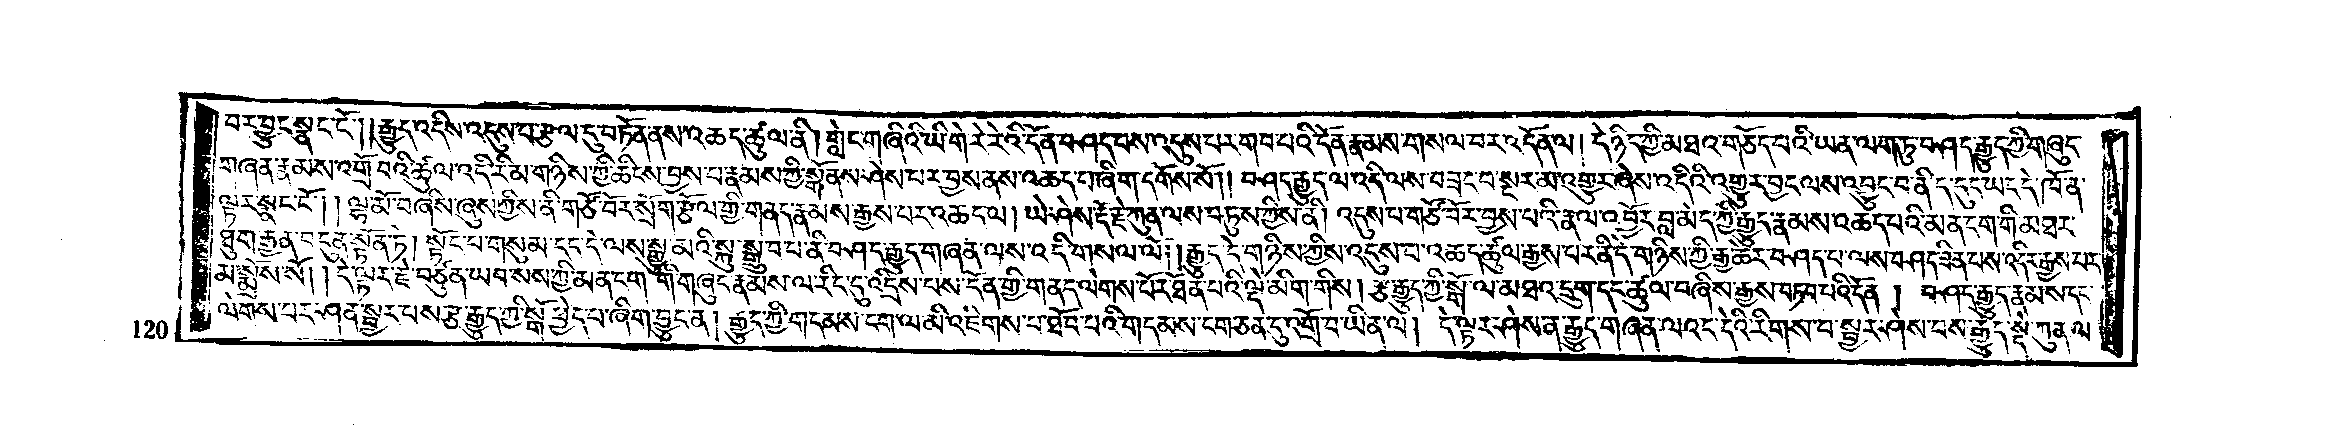བར་བྱུང་སྣང་ངོ། །རྒྱུད་འདིས་འདུས་པ་རྩལ་དུ་བཏོན་ནས་འཆད་ཚུལ་ནི། གླིང་གཞིའི་ཡི་གེ་རེ་རེའི་དོན་བཤད་པས་འདུས་པར་གབ་པའི་དོན་རྣམས་གསལ་བར་འདོན་ལ། དེ་ཉིད་ཀྱི་མཐའ་གཅོད་པའི་ཡན་ལག་ཏུ་བཤད་རྒྱུད་ཀྱི་གཞུང་
གཞན་རྣམས་འགྲོ་བའི་ཚུལ་འདི་རིམ་གཉིས་ཀྱི་ཆིངས་བྱས་པ་རྣམས་ཀྱི་སྒོ་ནས་ཤེས་པར་བྱས་ནས་འཆད་པ་ཞིག་དགོས་སོ། །བཤད་རྒྱུད་ལ་འདི་ལས་བཟང་བ་སྔར་མ་འགྱུར་ཞེས་འདིའི་འགྱུར་བྱང་ལས་འབྱུང་བ་ནི་ད་དུང་ཡང་དེ་ཁོ་ན་
ལྟར་སྣང་ངོ། །ལྷ་མོ་བཞིས་ཞུས་ཀྱིས་ནི་གཙོ་བོར་སྲོག་རྩོལ་གྱི་གནད་རྣམས་རྒྱས་པར་འཆད་ལ། ཡེ་ཤེས་རྡོ་རྗེ་ཀུན་ལས་བཏུས་ཀྱིས་ནི། འདུས་པ་གཙོ་བོར་བྱས་པའི་རྣལ་འབྱོར་བླ་མེད་ཀྱི་རྒྱུད་རྣམས་འཆད་པའི་མན་ངག་གི་མཐར་
ཐུག་རྒྱན་བདུན་སྟོན་ཏེ། སྟོང་པ་གསུམ་དང་དེ་ལས་སྒྱུ་མའི་སྐུ་སྒྲུབ་པ་ནི་བཤད་རྒྱུད་གཞན་ལས་འདི་གསལ་ལོ། །རྒྱུད་དེ་གཉིས་ཀྱིས་འདུས་པ་འཆད་ཆུལ་རྒྱས་པར་ནི་དེ་གཉིས་ཀྱི་རྒྱ་ཆེར་བཤད་པ་ལས་བཤད་ཟིན་པས་འདིར་རྒྱས་པར་
མ་སྨྲོས་སོ། །དེ་ལྟར་རྗེ་བཙུན་ཡབ་སྲས་ཀྱི་མན་ངག་གི་གཞུང་རྣམས་ལ་རིང་དུ་འདྲིས་པས་དོན་གྱི་གནད་ལེགས་པོར་ཐོན་པའི་ལྡེ་མིག་གིས། རྩ་རྒྱུད་ཀྱི་སྒོ་ལ་མཐའ་དྲུག་དང་ཚུལ་བཞིས་རྒྱས་བཏབ་པའི་དོན། བཤད་རྒྱུད་རྣམས་དང་ལེགས་པར་ཤན་སྦྱར་པས་རྩ་རྒྱུད་ཀྱི་སྒོ་ཕྱེད་པ་ཞིག་བྱུང་ན། རྒྱུད་ཀྱི་གདམས་ངག་ལ་མི་འཇིགས་པ་ཐོབ་པའི་གདམས་ངག་ཅན་དུ་འགྲོ་བ་ཡིན་ལ། དེ་ལྟར་ཤེས་ན་རྒྱུད་གཞན་ལའང་དེའི་རིགས་པ་སྦྱར་ཤེས་པས་རྒྱུད་སྡེ་ཀུན་ལ་